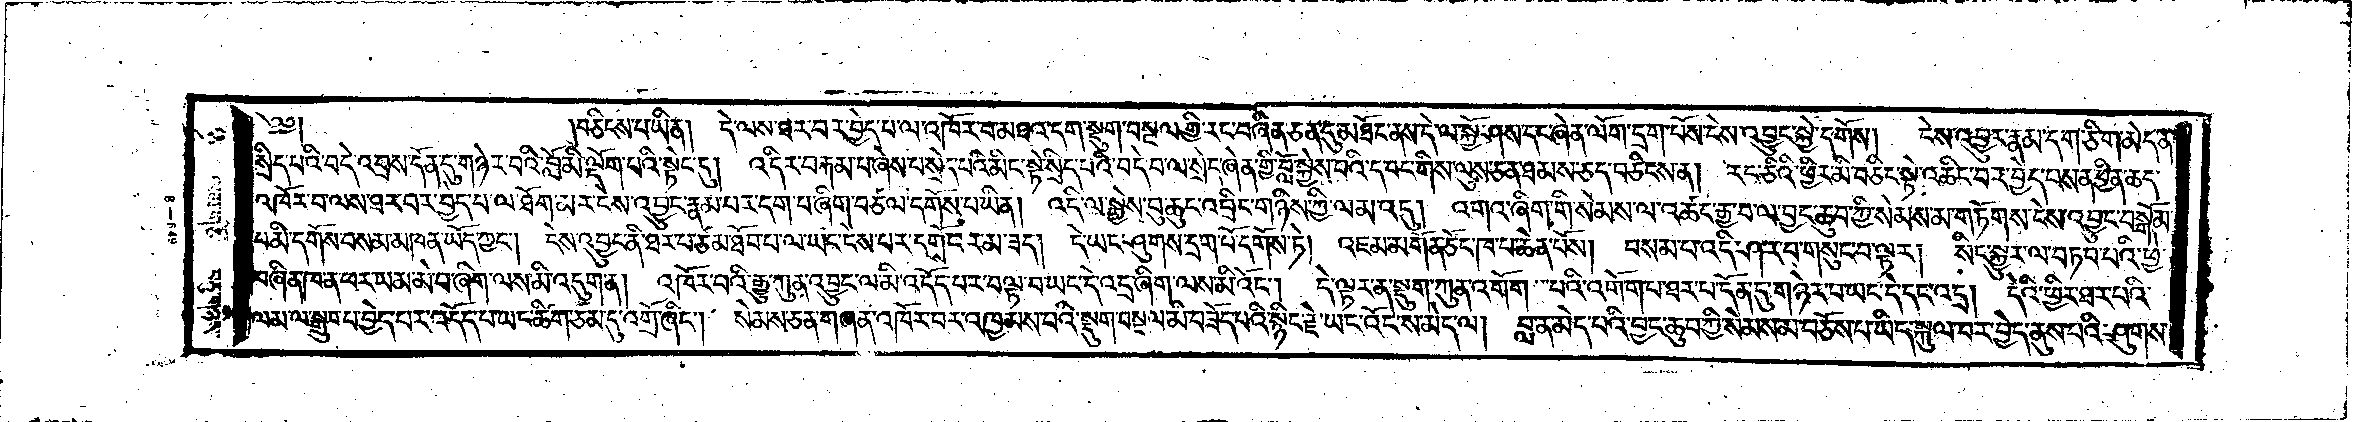༄༅། །བཅིངས་པ་ཡིན། དེ་ལས་ཐར་བར་བྱེད་པ་ལ་འཁོར་བ་མཐའ་དག་སྡུག་བསྔལ་གྱི་རང་བཞིན་ཅན་དུ་མཐོང་ནས་དེ་ལ་སྐྱོ་ཤས་དང་ཞེན་ལོག་དྲག་པོས་ངེས་འབྱུང་སྐྱེ་དགོས། ངེས་འབྱུང་རྣམ་དག་ཅིག་མེད་ན་
སྲིད་པའི་བདེ་འབྲས་དོན་དུ་གཉེར་བའི་བློ་མི་ལྡོག་པའི་སྟེང་དུ། འདིར་བརྐམ་པ་ཞེས་པ་སྲེད་པའི་མིང་སྟེ་སྲིད་པའི་བདེ་བ་ལ་སྲེད་ཞེན་གྱི་བློ་སྐྱེས་པའི་དབང་གིས་ལུས་ཅན་ཐམས་ཅད་བཅིངས་ན། རང་ཅིའི་ཕྱིར་མི་བཅིང་སྟེ་འཆིང་བར་བྱེད་པས་ན་ཕྱིན་ཆད་
འཁོར་བ་ལས་ཐར་བར་བྱེད་པ་ལ་ཐོག་མར་ངེས་འབྱུང་རྣམ་པར་དག་པ་ཞིག་བཙལ་དགོས་པ་ཡིན། འདི་ལ་སྐྱེས་བུ་ཆུང་འབྲིང་གཉིས་ཀྱི་ལམ་འདུ། འགའ་ཞིག་གི་སེམས་ལ་འཚང་རྒྱ་བ་ལ་བྱང་ཆུབ་ཀྱི་སེམས་མ་གཏོགས་ངེས་འབྱུང་བསྒོམ་
པ་མི་དགོས་བསམ་མཁན་ཡོད་ཀྱང་། ངེས་འབྱུང་ནི་ཐར་པ་ཙམ་ཐོབ་པ་ལ་ཡང་ངེས་པར་དགོས་བར་མ་ཟད། དེ་ཡང་ཤུགས་དྲག་པོ་དགོས་ཏེ། འཇམ་མགོན་ཙོང་ཁ་པ་ཆེན་པོས། བསམ་པ་འདི་ཤ་ར་བ་གསུང་བ་ལྟར། སིང་སྐྱུར་ལ་བཏབ་པའི་ཕྱེ་
བཞིན་ཁ་ན་ཕར་ཡམ་མེ་བ་ཞིག་ལས་མི་འདུག་ན། འཁོར་བའི་རྒྱུ་ཀུན་འབྱུང་ལ་མི་འདོད་པར་བལྟ་བ་ཡང་དེ་འདྲ་ཞིག་ལས་མི་འོང་། དེ་ལྟར་ན་སྡུག་ཀུན་འགོག་པའི་འགོག་པ་ཐར་པ་དོན་དུ་གཉེར་བ་ཡང་དེ་དང་འདྲ། དེའི་ཕྱིར་ཐར་པའི་
ལམ་ལ་སྒྲུབ་པ་བྱེད་པར་འདོད་པ་ཡང་ཚིག་ཙམ་དུ་འགྲོ་ཞིང་། སེམས་ཅན་གཞན་འཁོར་བར་འཁྱམས་པའི་སྡུག་བསྔལ་མི་བཟོད་པའི་སྙིང་རྗེ་ཡང་འོང་ས་མེད་ལ། བླ་ན་མེད་པའི་བྱང་ཆུབ་ཀྱི་སེམས་མ་བཅོས་པ་ཡིད་སྐུལ་བར་བྱེད་ནུས་པའི་ཤུགས་